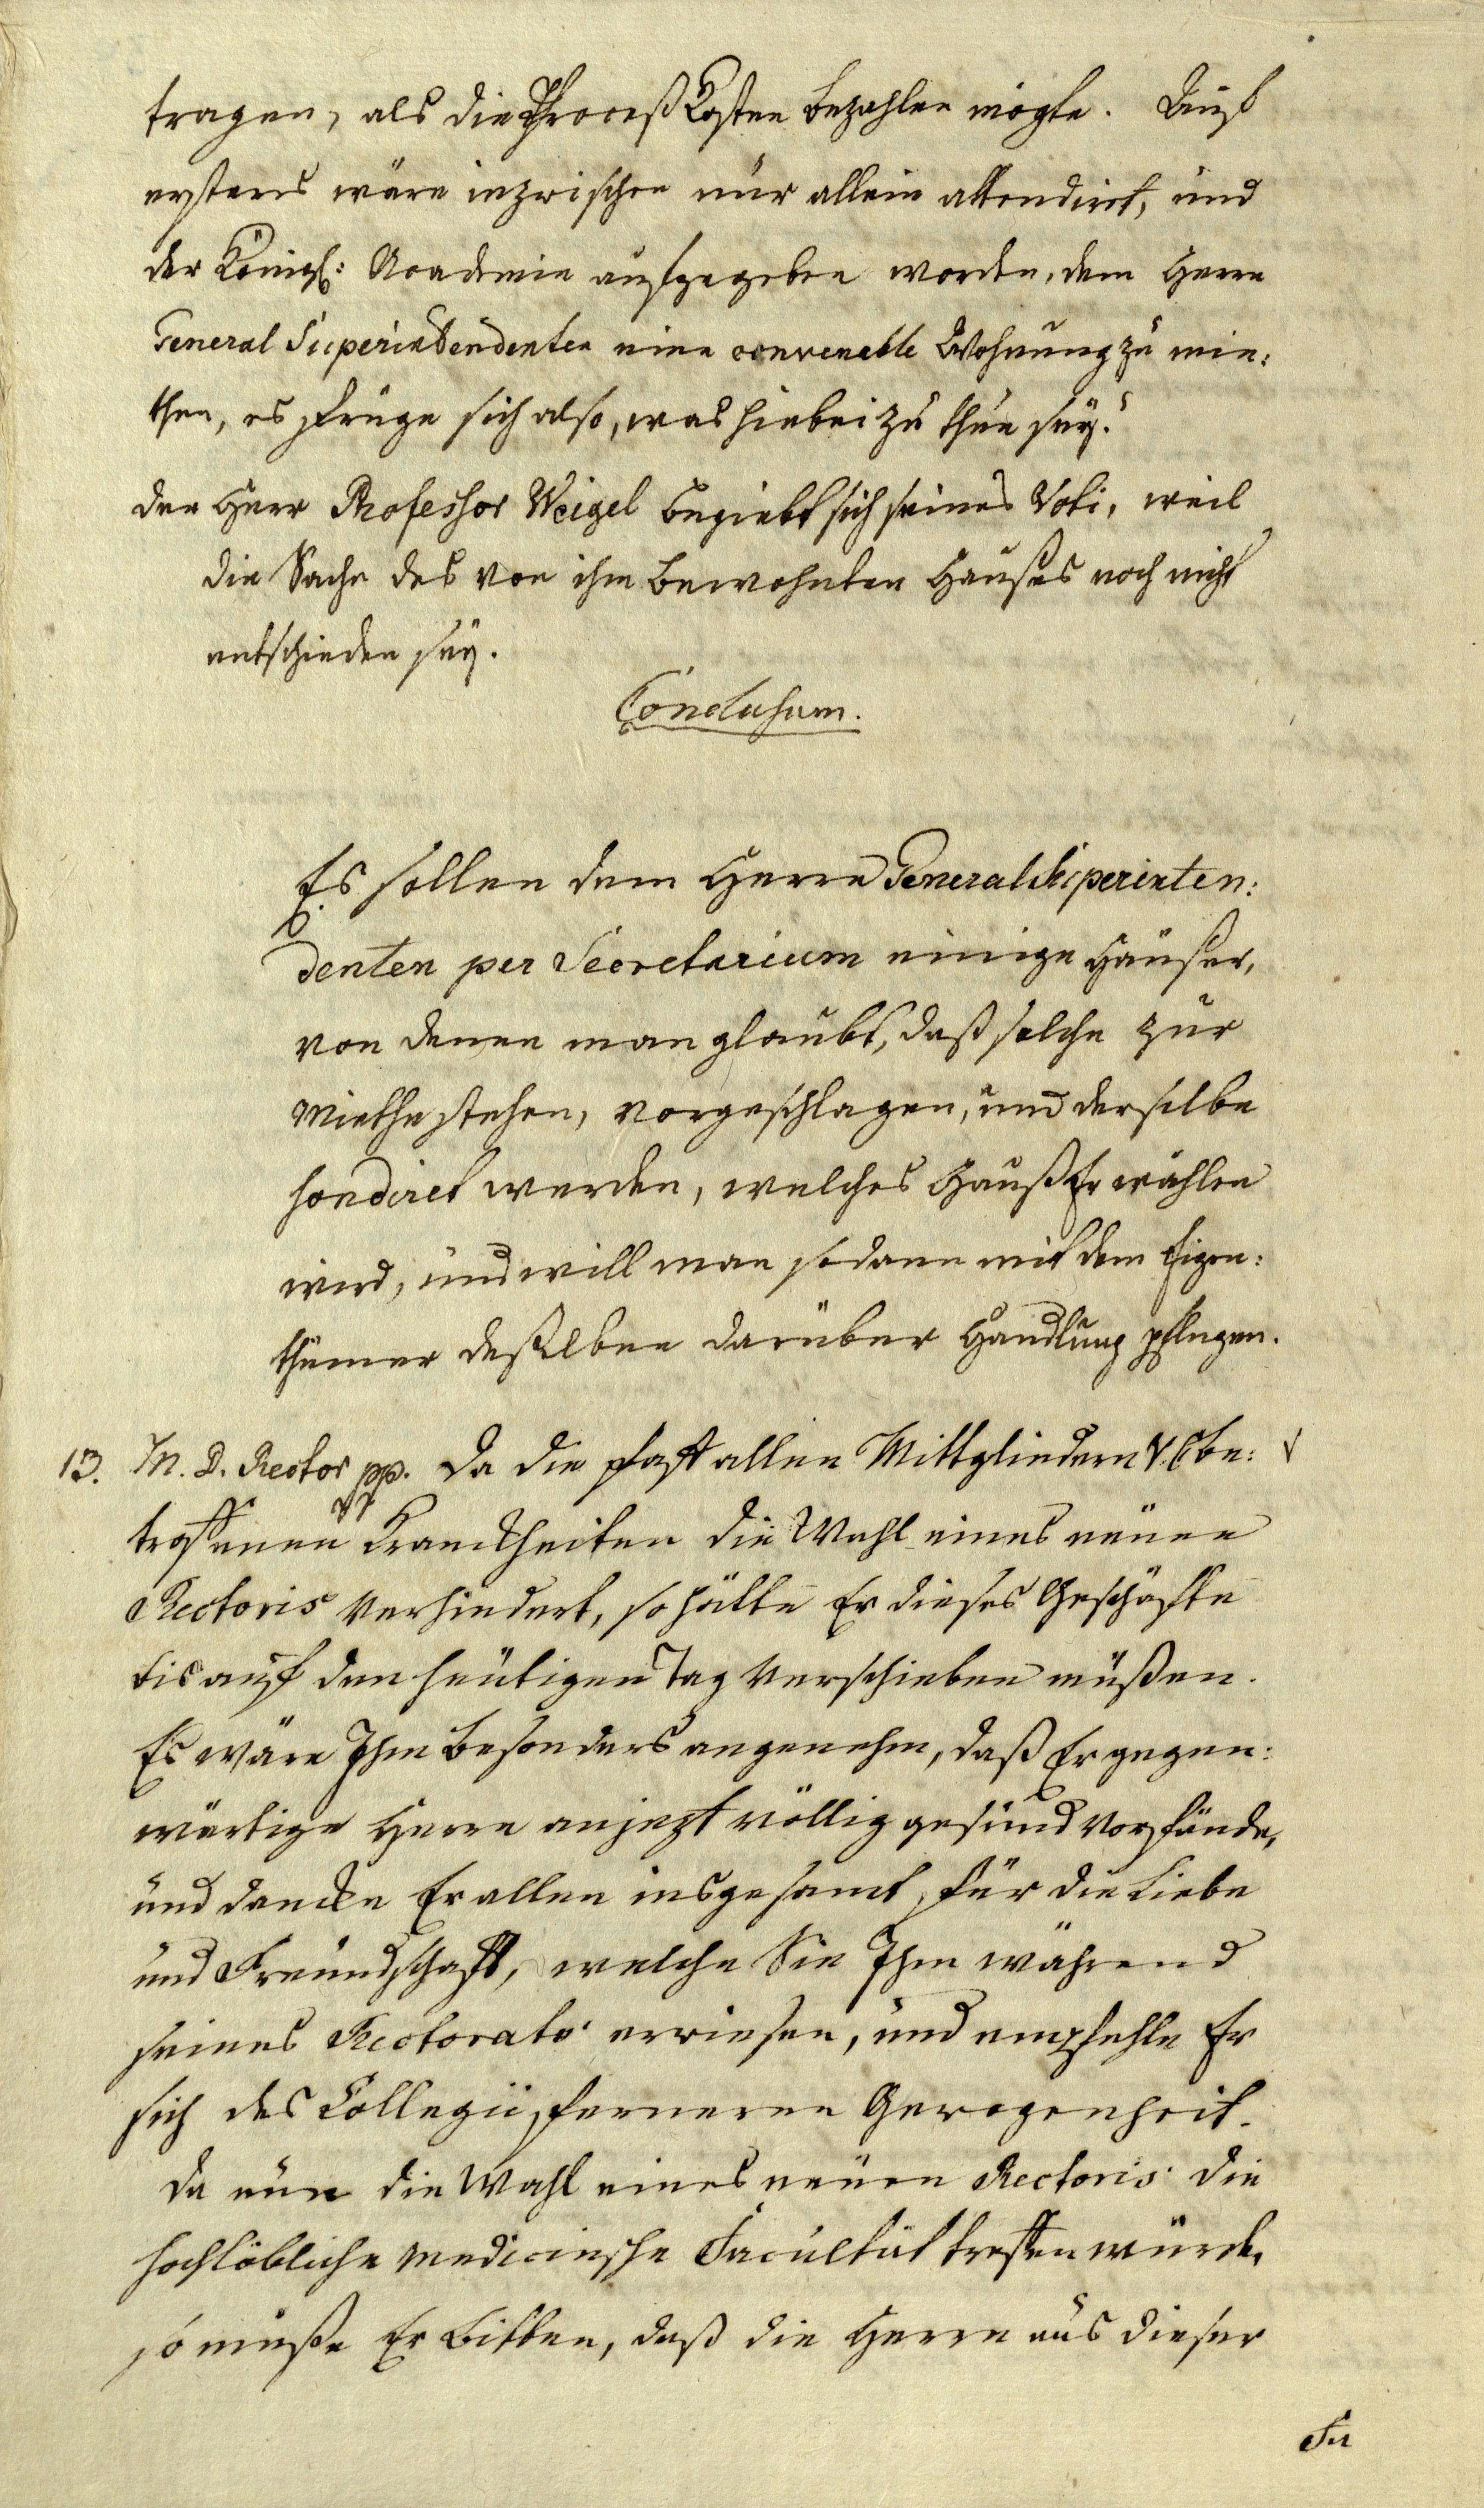tragen, als die ProceßKosten bezahlen mögte. Auf
ersteres wäre inzwischen nur allein attendiret, und
der Königl. Academie aufgegeben worden, dem Herrn
General Superintendenten eine convenable Wohnung zu mie¬
then, es früge sich also, was hiebei zu thun seÿ?
Der Herr Professor Weigel begiebt sich seines Voti, weil
die Sache des von ihm bewohnten Hauses noch nicht
entschieden seÿ.
Conclusum
Es sollen dem Herrn GeneralSuperinten¬
denten per Secretarium einige Häußer,
von denen man glaubt, daß solche zur
Miethe stehen, vorgeschlagen, und derselbe
sondiret werden, welches Hauß Er wählen
wird, und will man sodann mit dem Eigen¬
thümer deßelben darüber Handlung pflegen.
13. M. D. Rector pp. Da die fast allen Mittgliedern V. C be¬
troffenen Kranckheiten die Wahl eines neuen
Rectoris verhindert, so hätte Er dieses Geschäfte
bis auf den heutigen Tag verschieben müßen.
Es wäre Ihm besonders angenehm, daß Er gegen¬
wärtige Herrn anjezt völlig gesund vorfände,
und dancke Er allen insgesamt, für die Liebe
und Freundschaft, welche Sie Ihm während
seines Rectorats erwiesen, und empfehle Er
sich des Collegii ferneren Gewogenheit.
Da nun die Wahl eines neuen Rectoris die
hochlöbliche Medicinische Facultät treffen würde,
so müße Er bitten, daß die Herren aus dieser